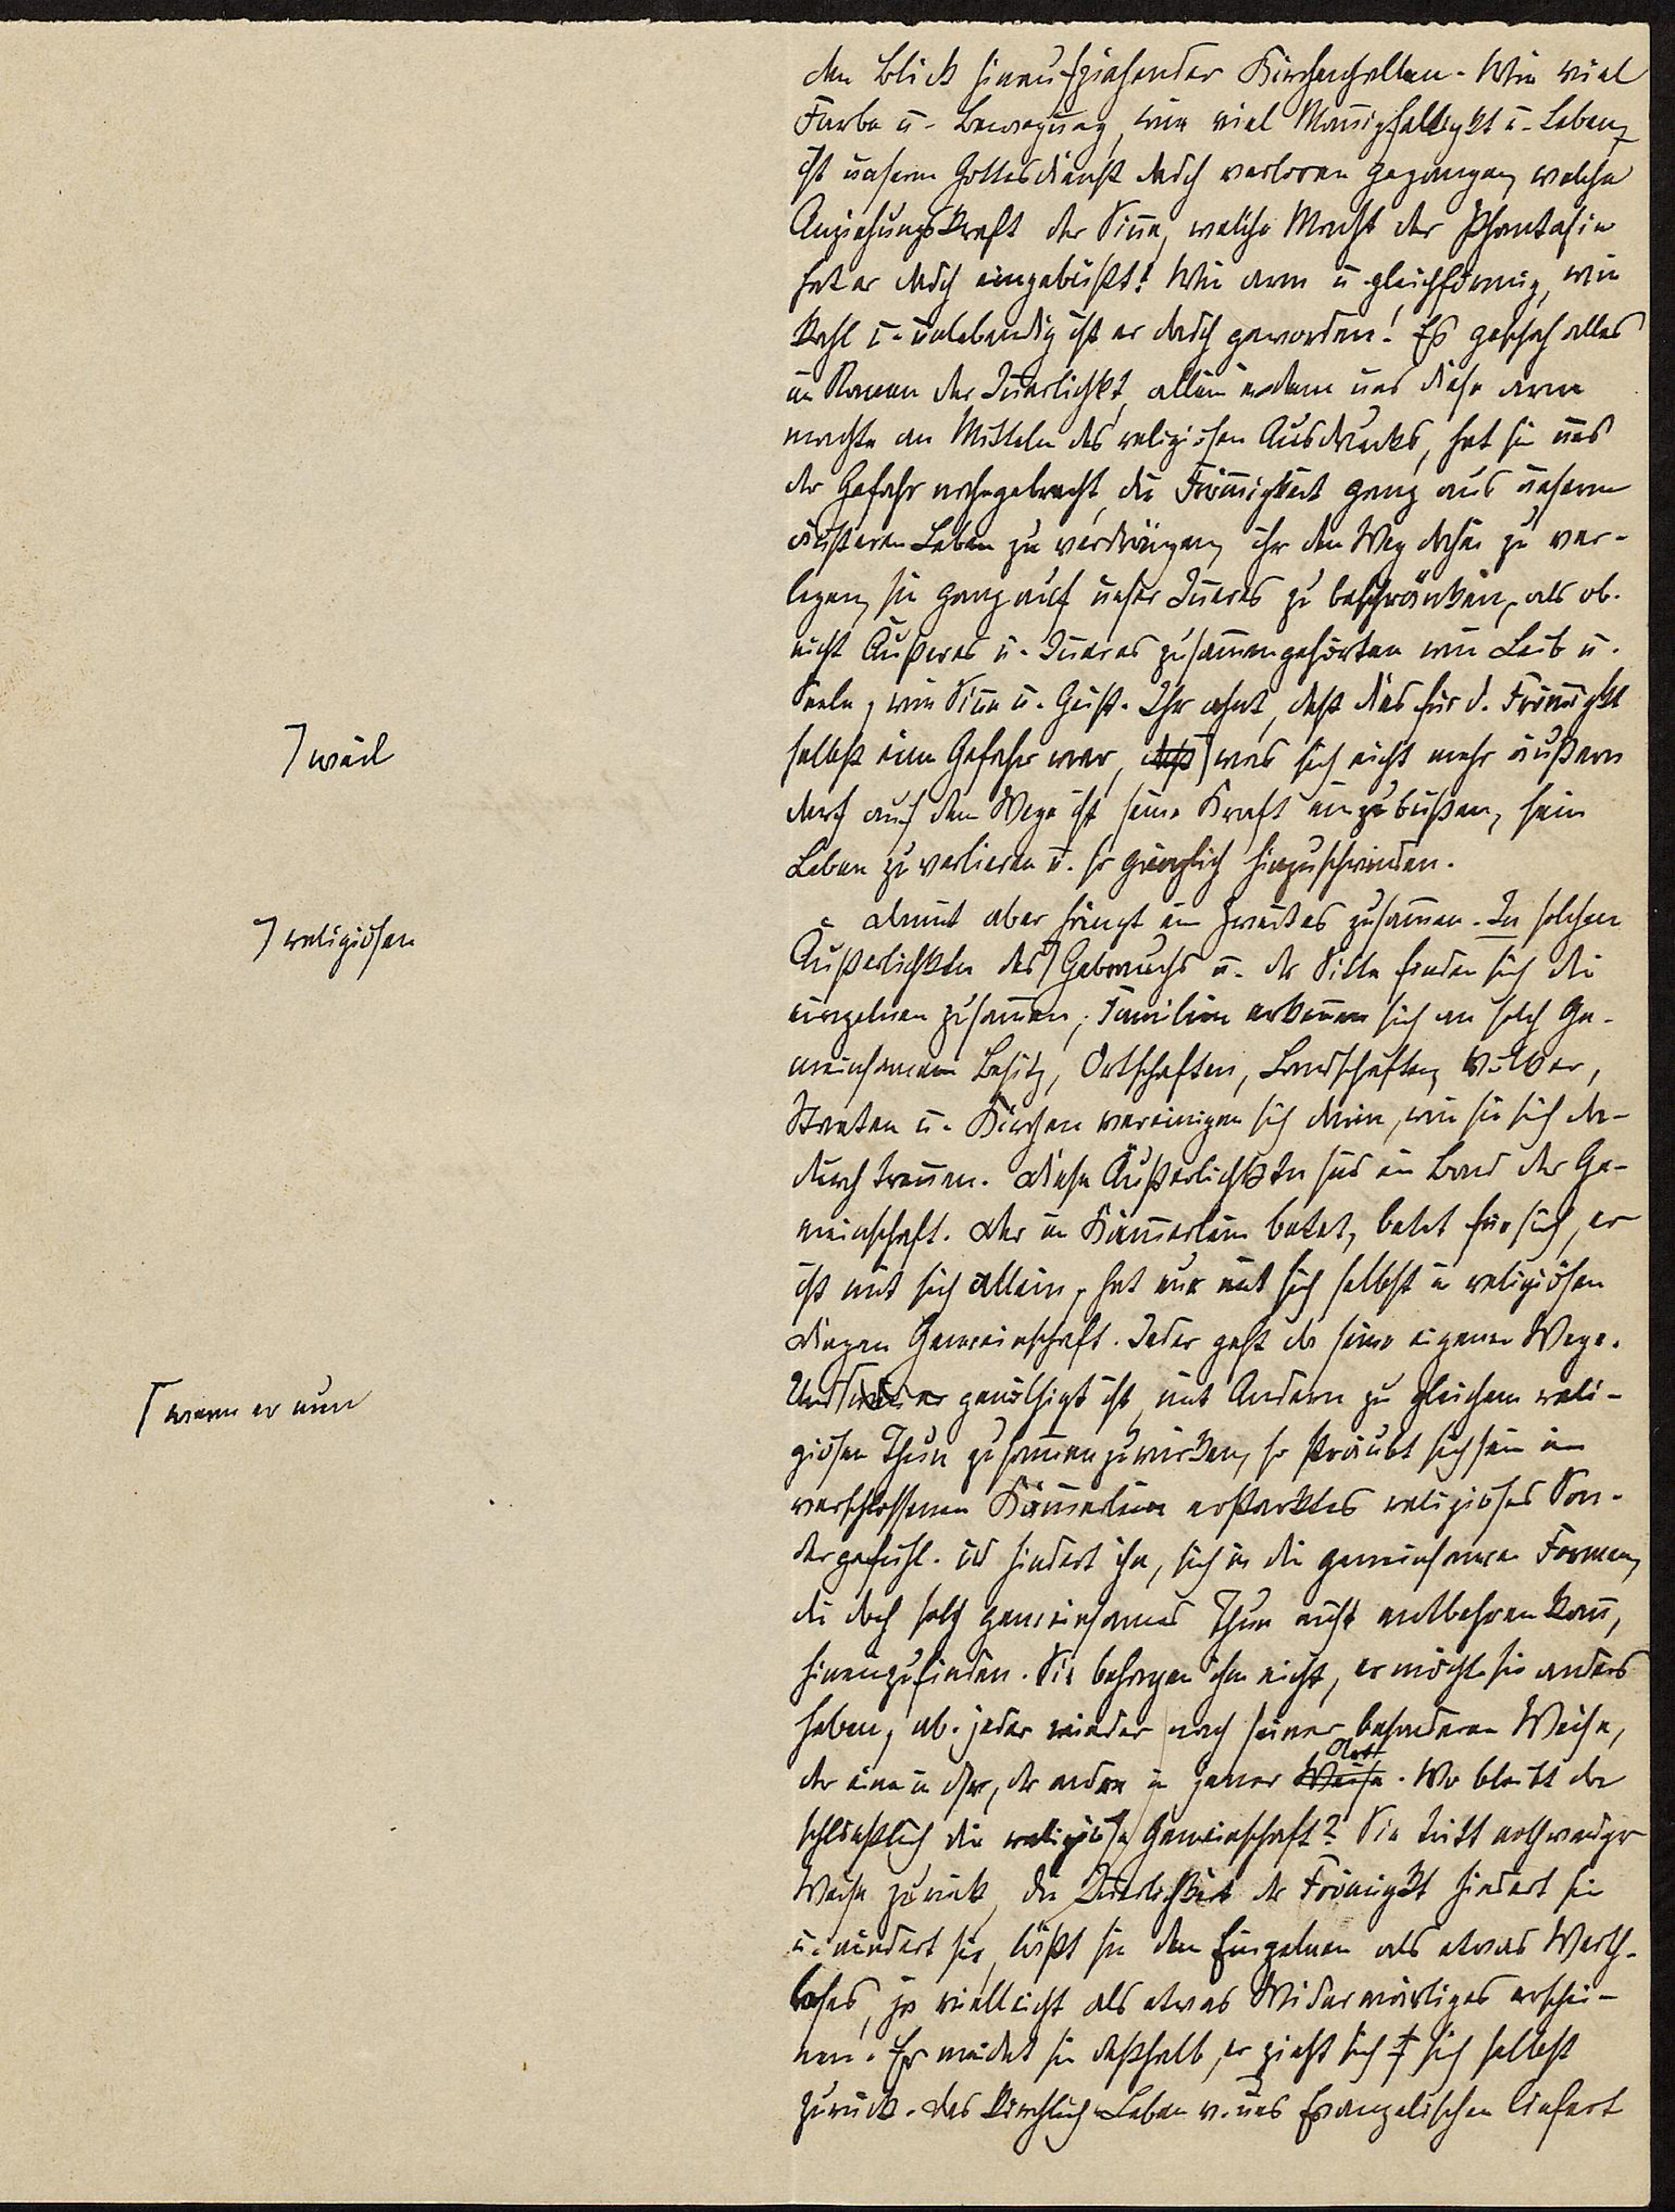weil
religiösen
wenn er nunn
den Blick hinaufziehender Kirchenhallen. Wie viel
Farbe u. Bewegung, wie viel Manigfaltigkt. u. Leben,
ist unserm Gottesdienst dadch verloren gegangen, welche
Anziehungskraft der Sine, welche Macht der Phantasie
hat er dadch eingebüßt! Wie arm u. gleichförmig, wie
kahl u. unlebendig ist er dadch geworden! Es geschah alles
im Namen der Inerlichkt., allein indem uns diese arm
machte an Mitteln des religiösen Ausdrucks, hat sie uns
der Gefahr nahegebracht die Frömigkeit ganz aus unserm
äußeren Leben zu verdrängen, ihr den Weg dahin zu ver¬
legen, sie ganz auf unser Ineres zu beschränken, als ob
nicht Äußeres u. Ineres zusamengehörten wie Leib u.
Seele, wie Sine und Geist. Ihr ahnt, daß dies für d. Frömigkt
selbst eine Gefahr war, daß was sich nicht mehr äußern
darf auf dem Wege ist seine Kraft einzubüßen, sein
Leben zu verlieren u. sr. gänzlich hinzuschwinden.
Damit aber hängt ein Zweites zusamen. In solchen
Äußerlichktn. des ] Gebrauchs u. der Sitte finden sich die
einzelnen zusamen, Familien erkenen sich an solch Ge¬
meinsamem Besitz, Ortschaften, Landschaften, Völker,
Staaten u. Kirchen vereinigen sich darin, wie sie sich da¬
durch trenen. Diese Äußerlichktn sind ein Band der Ge¬
meinschaft. Wer im Kämerlein betet, betet für sich, er
ist mit sich allein, hat nur mit sich selbst in religiösen
Dingen Gemeinschaft. Jeder geht da seiner eigenen Wege.
Und [ wie er genöthigt ist, mit Andern zu gleichem reli¬
giösem Thun zusamenzuwirken, so sträubt sich sein im
verschlossenen Kämerlein erstarktes religiöses Son¬
dergefühl und hindert ihn, sich in die gemeinsamen Formen,
die doch solch gemeinsames Thun nicht entbehren kan,
hineinzufinden. Sie bergen ihn nicht, er möchte sie anders
haben, jeder wieder nach seiner besonderen Weise,
Art
der eine in dsr, der andre in jener Weise. Wo bleibt da
schließlich die religiöse Gemeinschaft? Sie tritt nothwendiger
Weise zurück, die Inerlichkeit der Frömigkeit hindert sie
u. mindert sie, läßt sie den Einzelnen als etwas Werth¬
loses, ja vielleicht als etwas Widerwärtiges erschei¬
nen. Er meidet sie deßhalb, er zieht sich f sich selbst
zurück. Das kirchliche Leben v. uns Evangelischen liefert